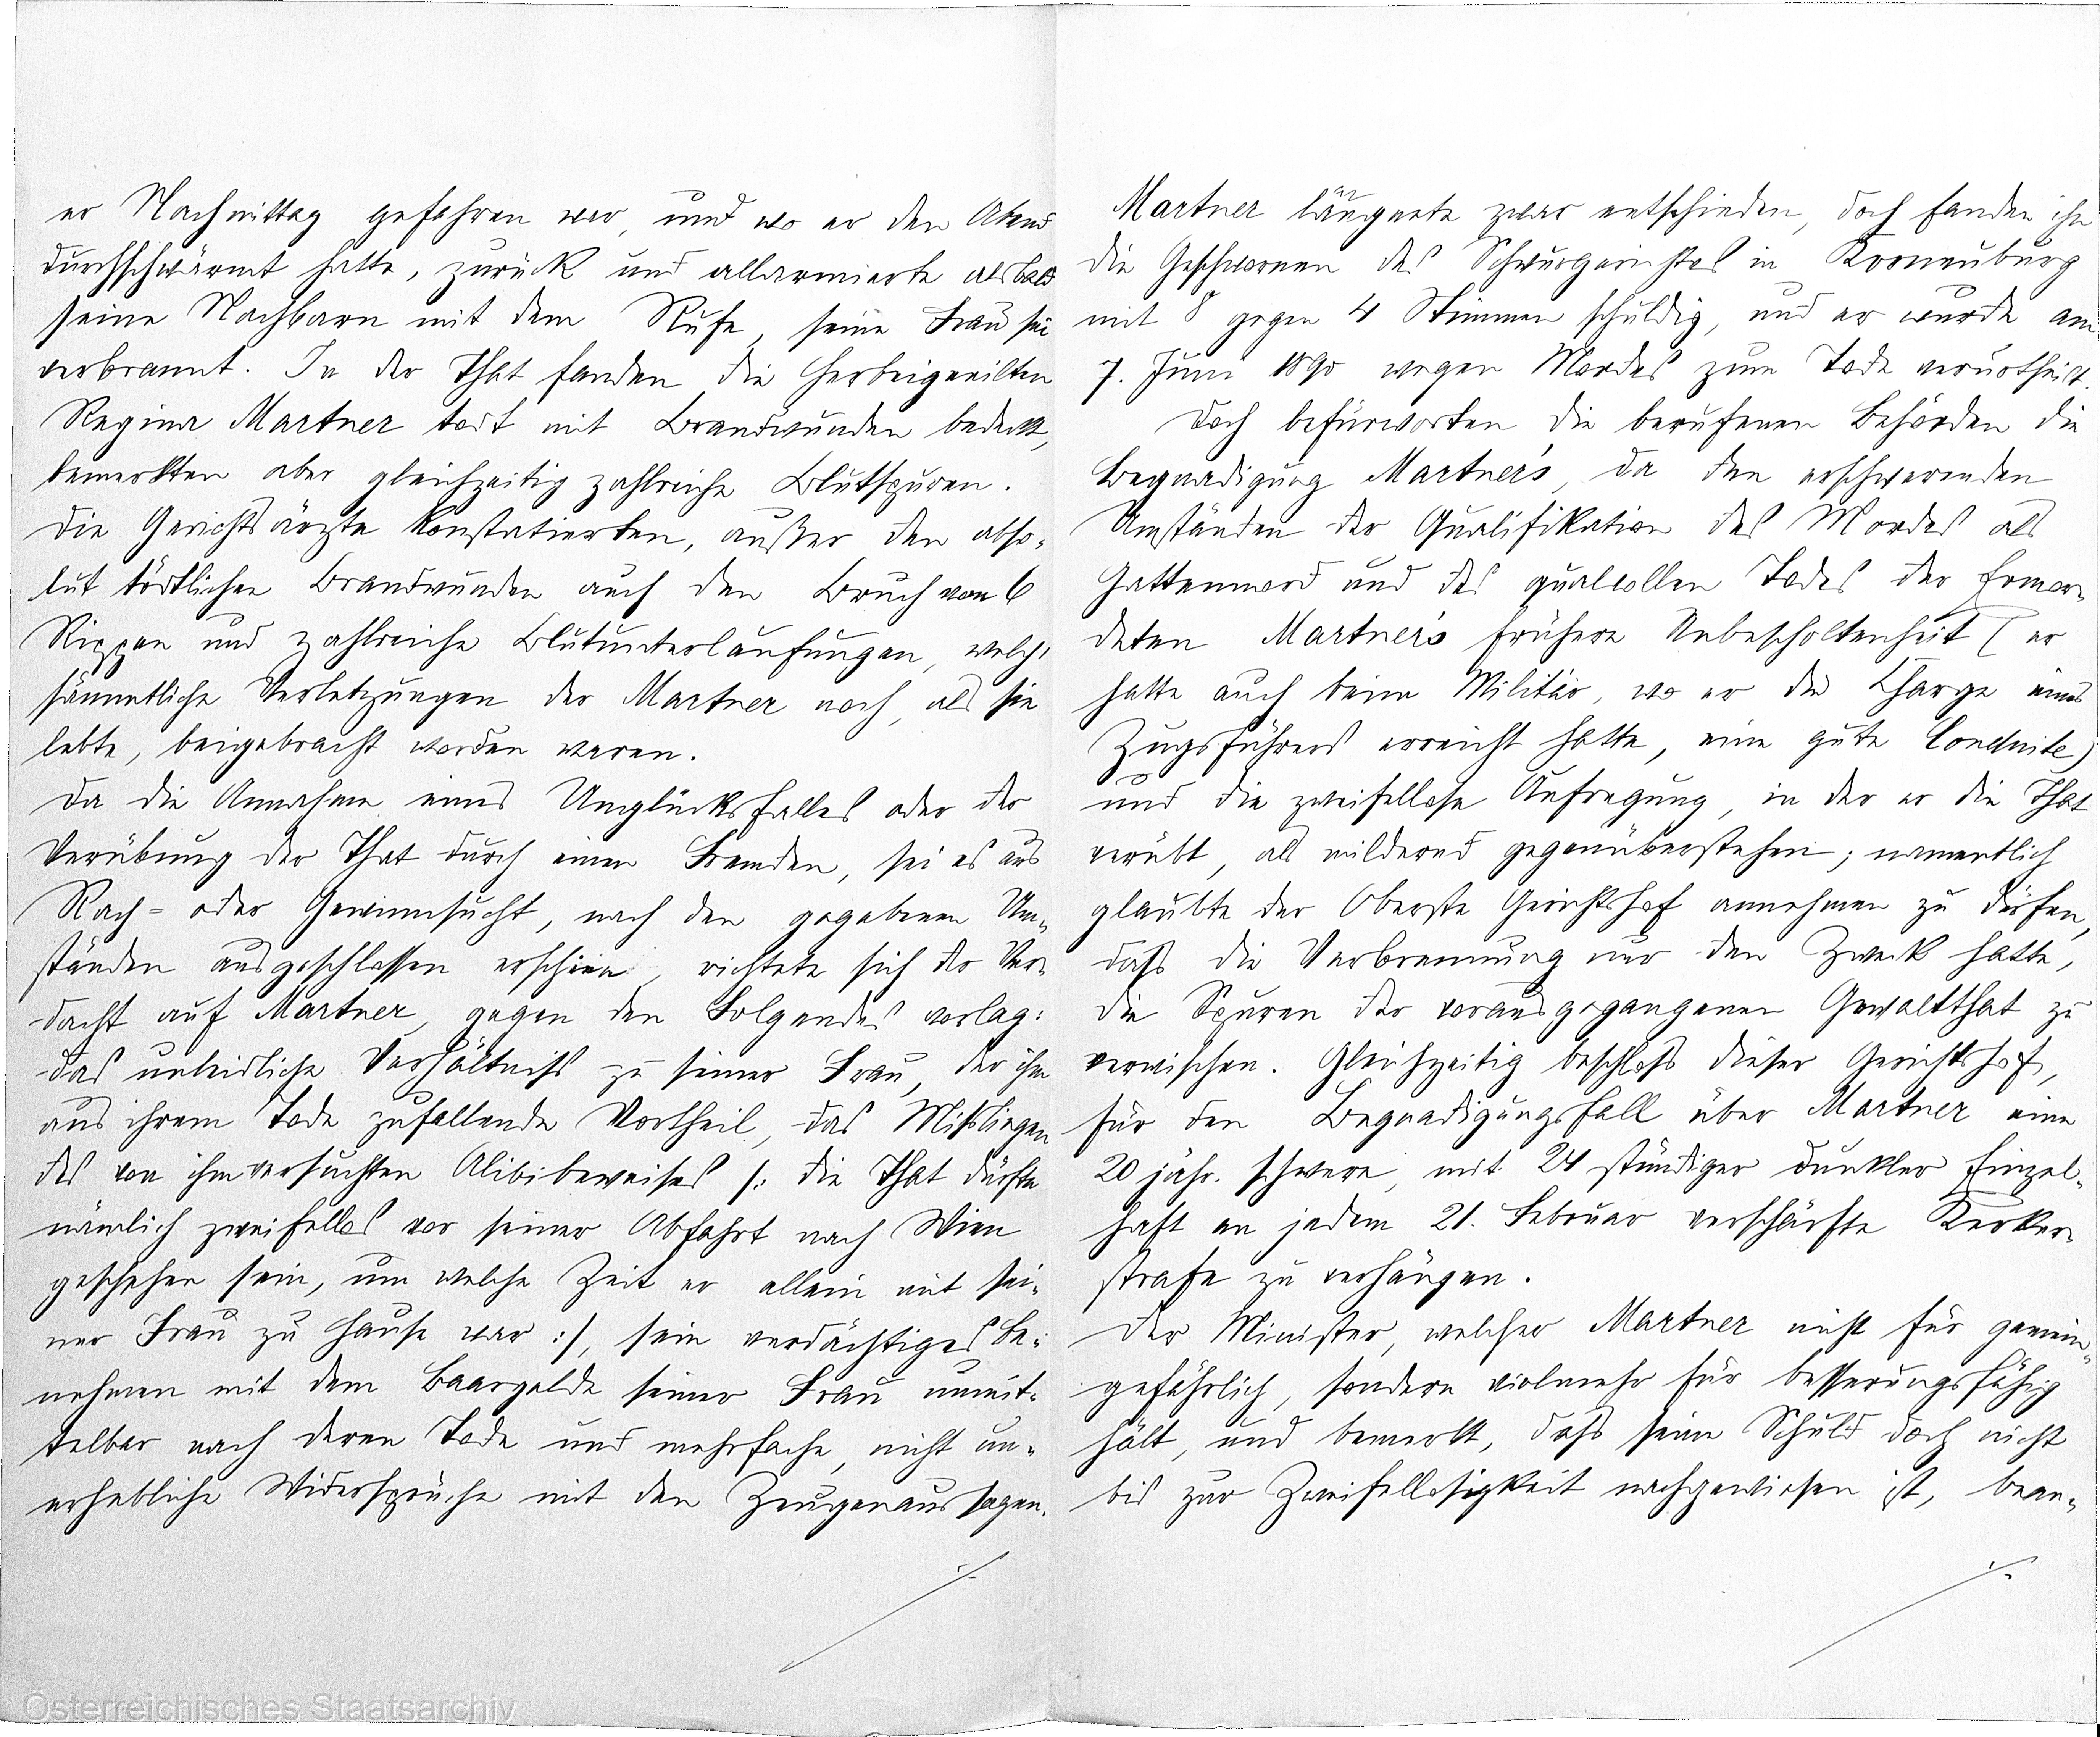er Nachmittag gefahren war, und wo er den Abend
durchschwärmt hatte, zurück und allxxmierte alsxx
seine Nachbarn mit dem Rufe, seine Frau sei
verbrannt. In der That fanden die Herbeigeeilten
Regina Martner todt mit Brandwunden bedeckt,
bemerkten aber gleichzeitig zahlxx Blutspuren.
Die Gerichtsärzte konstatierten, außer den abso¬
lut tödtlichen Brandwunden auch den Bruch von 6
Rippen und zahlreiche Blutunterlaufungen, welch'
sännetliche Verletzungen der Martner noch, als sie
lebte, beigebracht worden waren.
Da die Unnahme eines Unglücksfalles oder der
Verübung der That durch einen Fremden, sei es aus
Rach- oder Gewinnsucht, nach den gegebenen Um¬
ständen ausgeschlossen erschien, richtete sich der Ver¬
dacht auf Martner, gegen den Folgendes verlag:
das unleidliche Verhältniss zu seiner Frau, der ihm
aus ihrem Tode zufallende Vortheil, das Misslingen¬
des von ihm versuchten Alibibeweises /:Die That dürfte
nämlich zweifalles vor seiner Abfahrt nach Wien
geschehen sein, um welche Zeit er allein mit sei¬
ner Frau zu Hause war:/, sein verdächtiges Be¬
nehmen mit dem Baargelde seiner Frau unmit¬
telbar nach deren Tode und mehrfache, nicht un¬
erhebliche Widersprüche mit den Zeugenaussagen.
Martner läugnete zwar entschieden, doch fanden ihn
die Geschwornen des Schwurgerichtes in Korneuburg
mit 8 gegen 4 Stimmen schuldig, und er wurde am
7. Juni 1890 wegen Mordes zum Tode verurtheilt.
Doch befürworten die berufenen Behörden die
Begnadigung Martner's, da den erschwerenden
Umständen der Qualifikation des Mordes als
Gattenmord und des qualvollen Todes der Ermor¬
deten Martner's frühere Unbescholtenheit (er
hatte auch beim Militär, wo er die Charge eines
Zugsführers erreicht hatte, eine gute xxnite)
und die zweifellose Aufregung, in der er die That
verübt, als mildernd gegenüberstehen; namentlich
glaubte der Oberste Gerichtshof annehmen zu dürfen,
dass die Verbrennung nur den Zweck hatte,
die Spuren der vorausgegangenen Gewaltthat zu
verwischen. Gleichzeitig beschloss dieser Gerichtshof,
für den Begnadigungsfall über Martner eine
20jähr. schwere, mit 24 ständiger Dunkler Einzel¬
haft an jedem 21. Februar verschärfte Kerker¬
strafe zu verhängen.
Der Minister, welcher Martner nicht für gemein¬
gefährlich, sondern vielmehr für besserungsfähig
hält, und bemerkt, dass seine Schuld doch nicht
bis zur Zweifellosigkeit nachgewiesen ist, bean¬